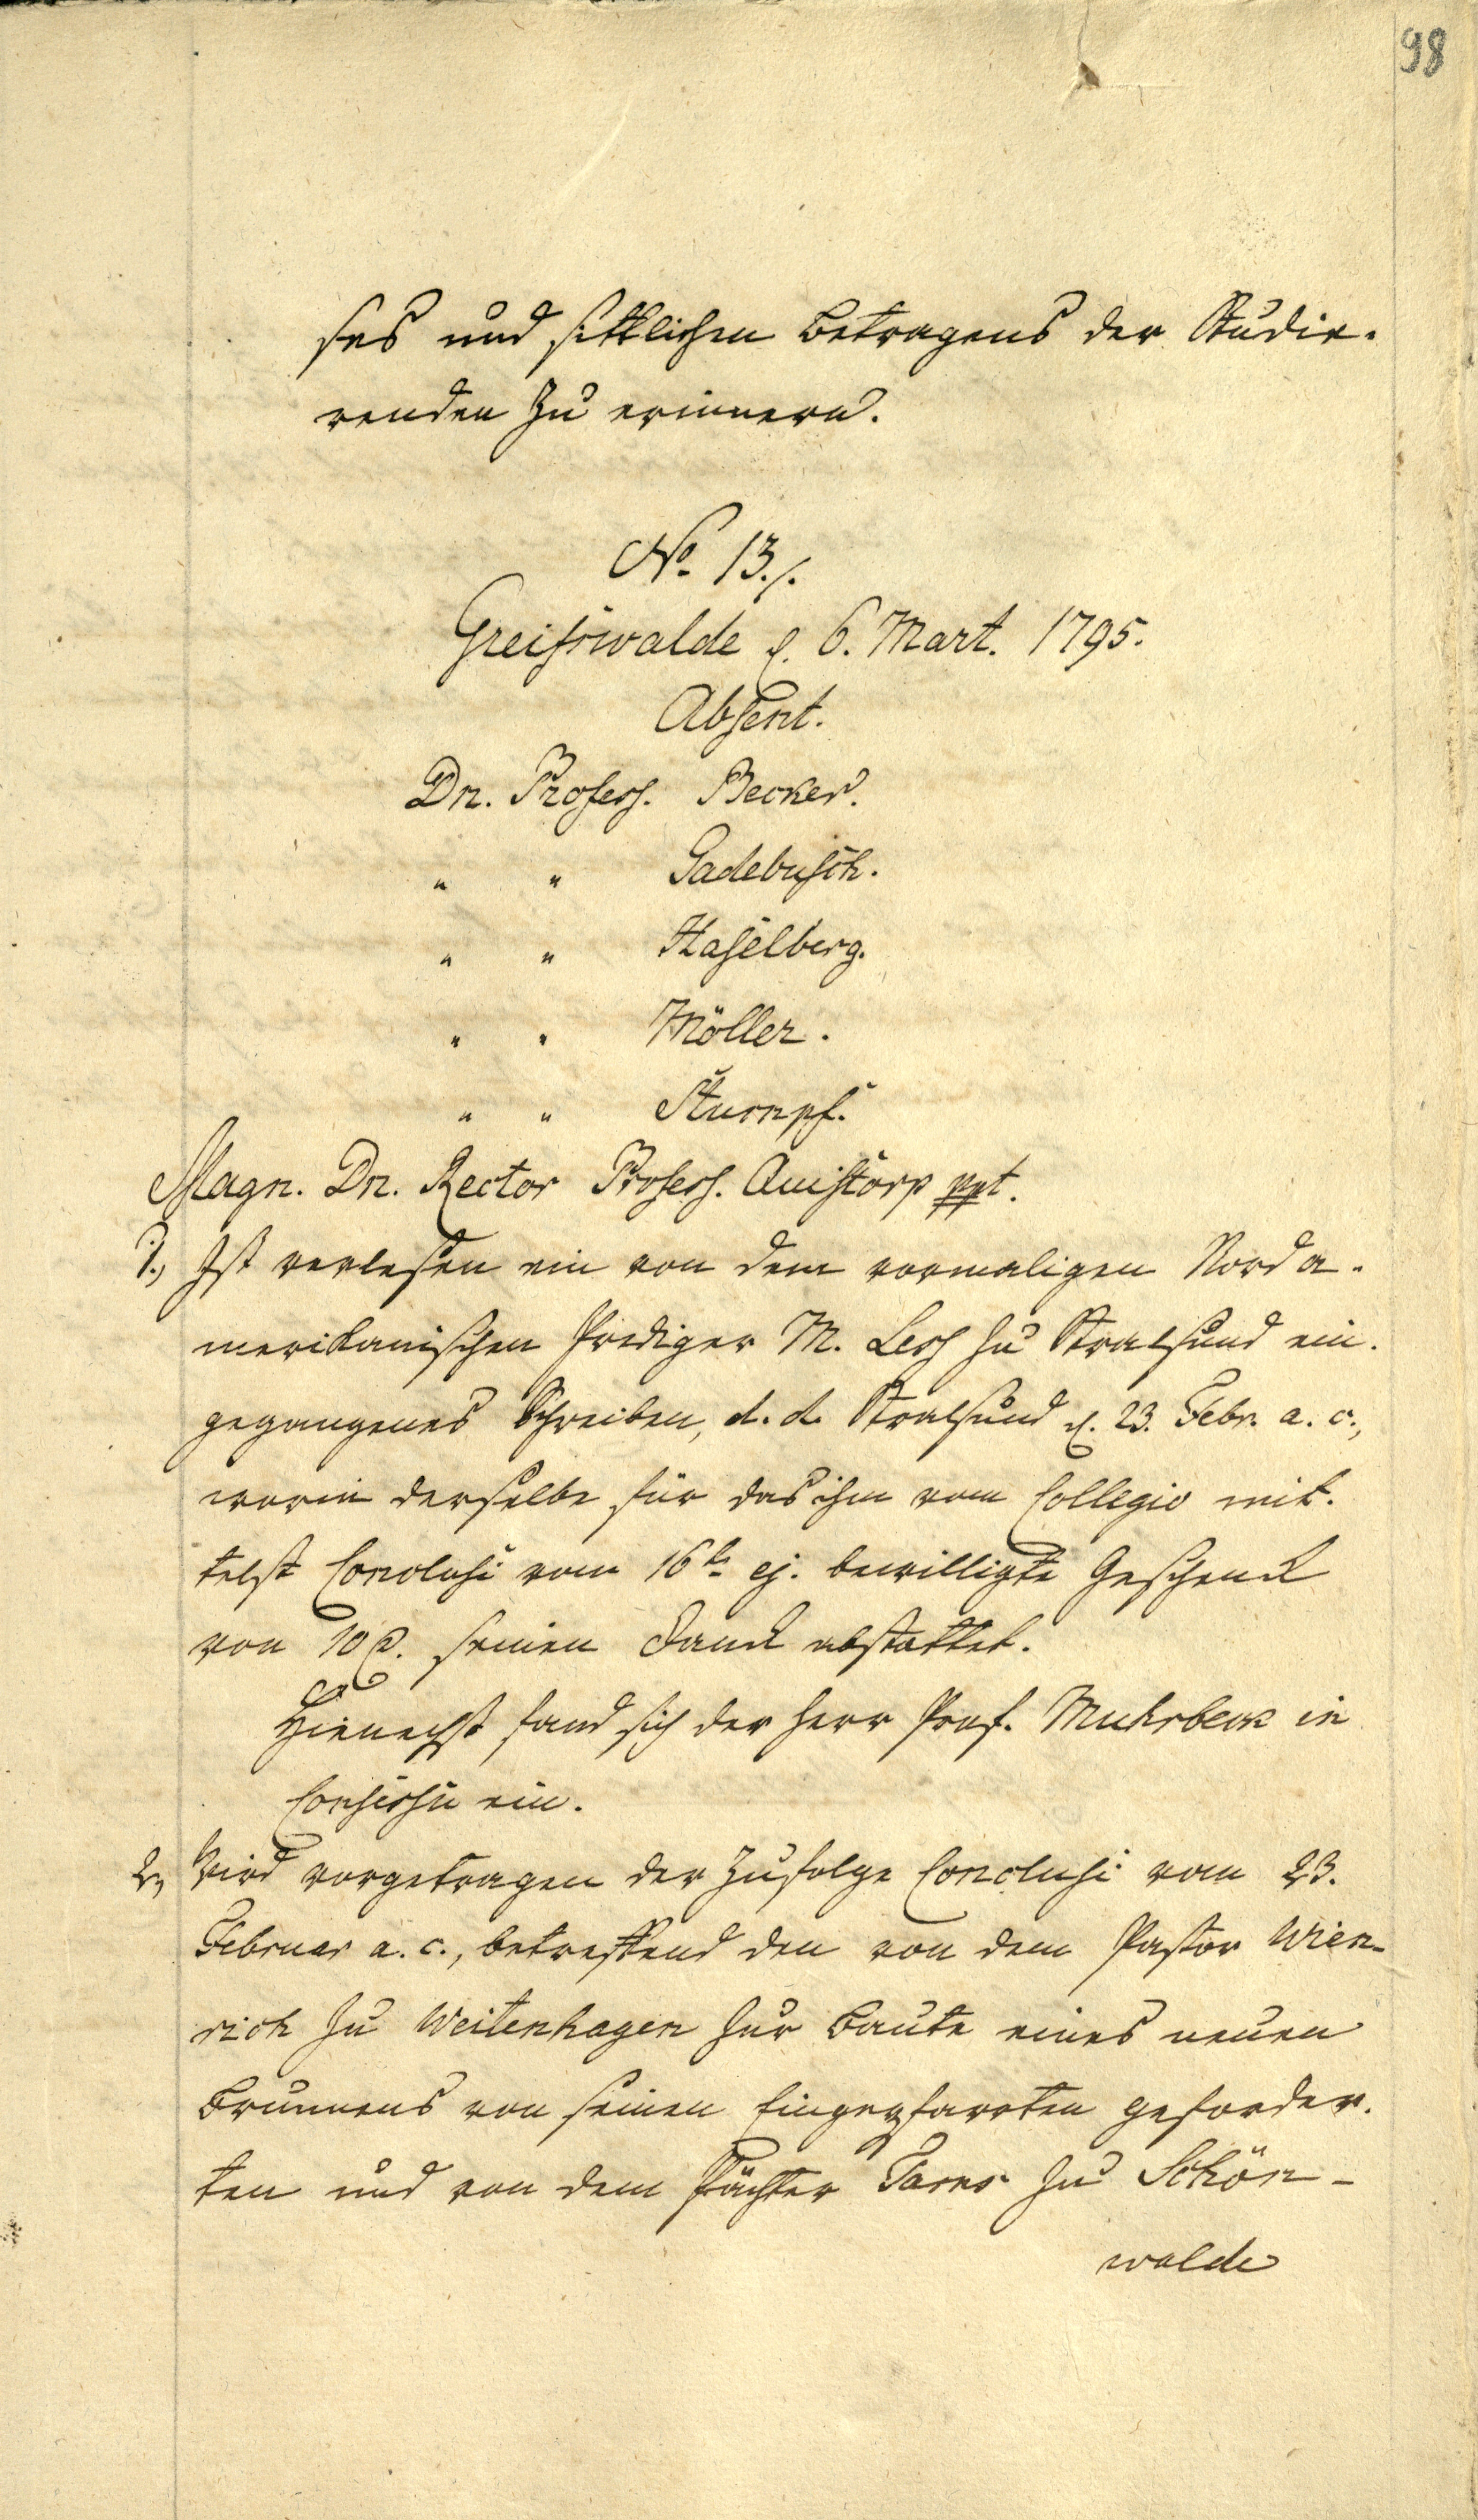ses und sittlichen Betragens der Studie¬
renden zu erinnern.
No 13.
Greifswalde d. 6. Mart. 1795.
Absent.
Dn. Profess. Becker.
Gadebusch.
Haselberg.
Möller.
Stumpf.
Magn. Dn. Rector Profess. Quistorp ppt.
1., Ist verlesen ein von dem vormaligen Norda¬
merikanischen Prediger M. Less zu Stralsund ein¬
gegangenes Schreiben, d.d . Stralsund d. 23. Febr. a. c.,
worin derselbe für das ihm vom Collegio mit¬
telst Conclusi vom 16 t. ej. bewilligte Geschenck
von 10 l. seinen Danck abstattet.
Hienechst fand sich der Herr Prof. Muhrbeck in
Consessu ein.
2. Wird vorgetragen der zufolge Conclusi vom 23.
Februar a. c., betreffend den von dem Pastor Wien¬
sich zu Weitenhagen zur Baute eines neuen
Brunnens von seinen Eingepfarrten geforder¬
ten und von dem Pächter Tams zu Schön¬
walde